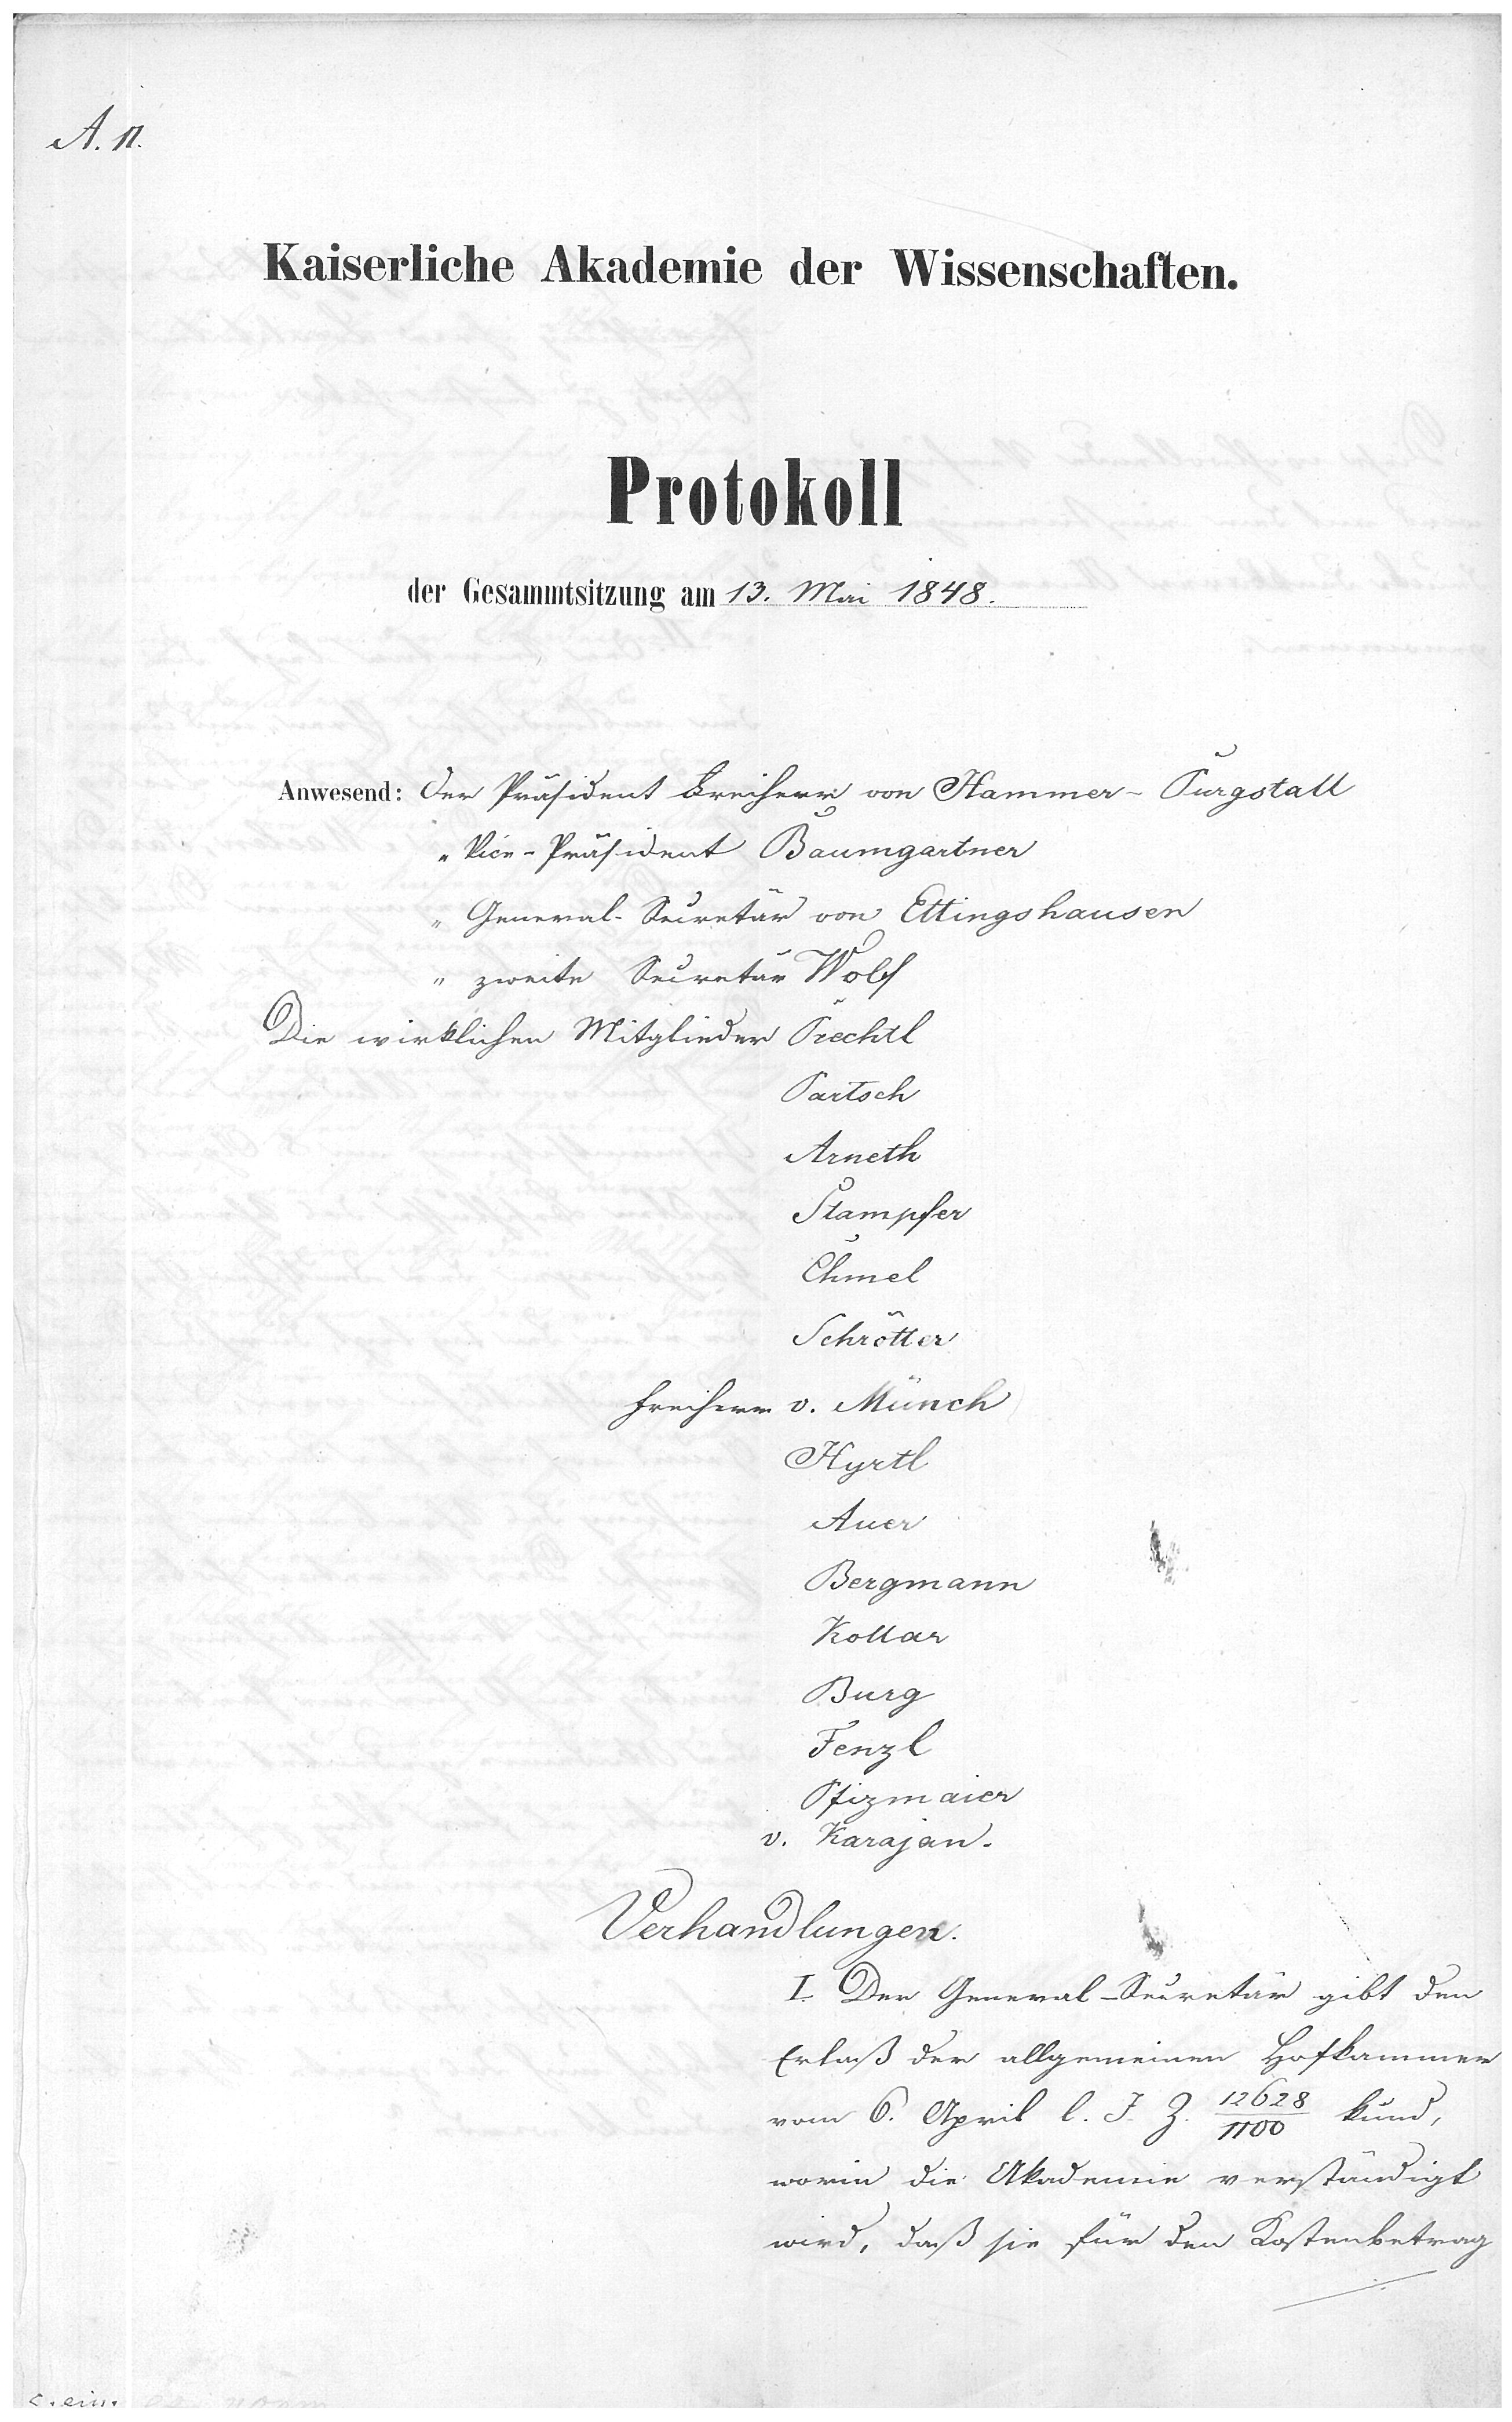A. 11.
Kaiserliche Akademie der Wissenschaften.
Protokoll
der Gesammtsitzung am 13. Mai 1848.
Anwesend: Der Präsident Freiherr von Hammer-Purgstall
" Vice-Präsident Baumgartner
"General-Secretär von Ettingshausen
"zweite Secretär Wolf
Die
wirklichen Mitglieder Prechtl
Partsch
Arneth
Stampfer
Chmel
Schrötter
Freiherr v. Münch
Hyrtl
Auer
Bergmann
Kollar
Burg
Fenzl
Pfizmaier
v. Karajan
Verhandlungen.
I. Der General-Secretär gibt den
Erlaß der allgemeinen Hofkammer
von 6. April l.J. Z. 12628/1100 kund,
worin die Akademie verständigt
wird, daß sie für den Kostenbetrag